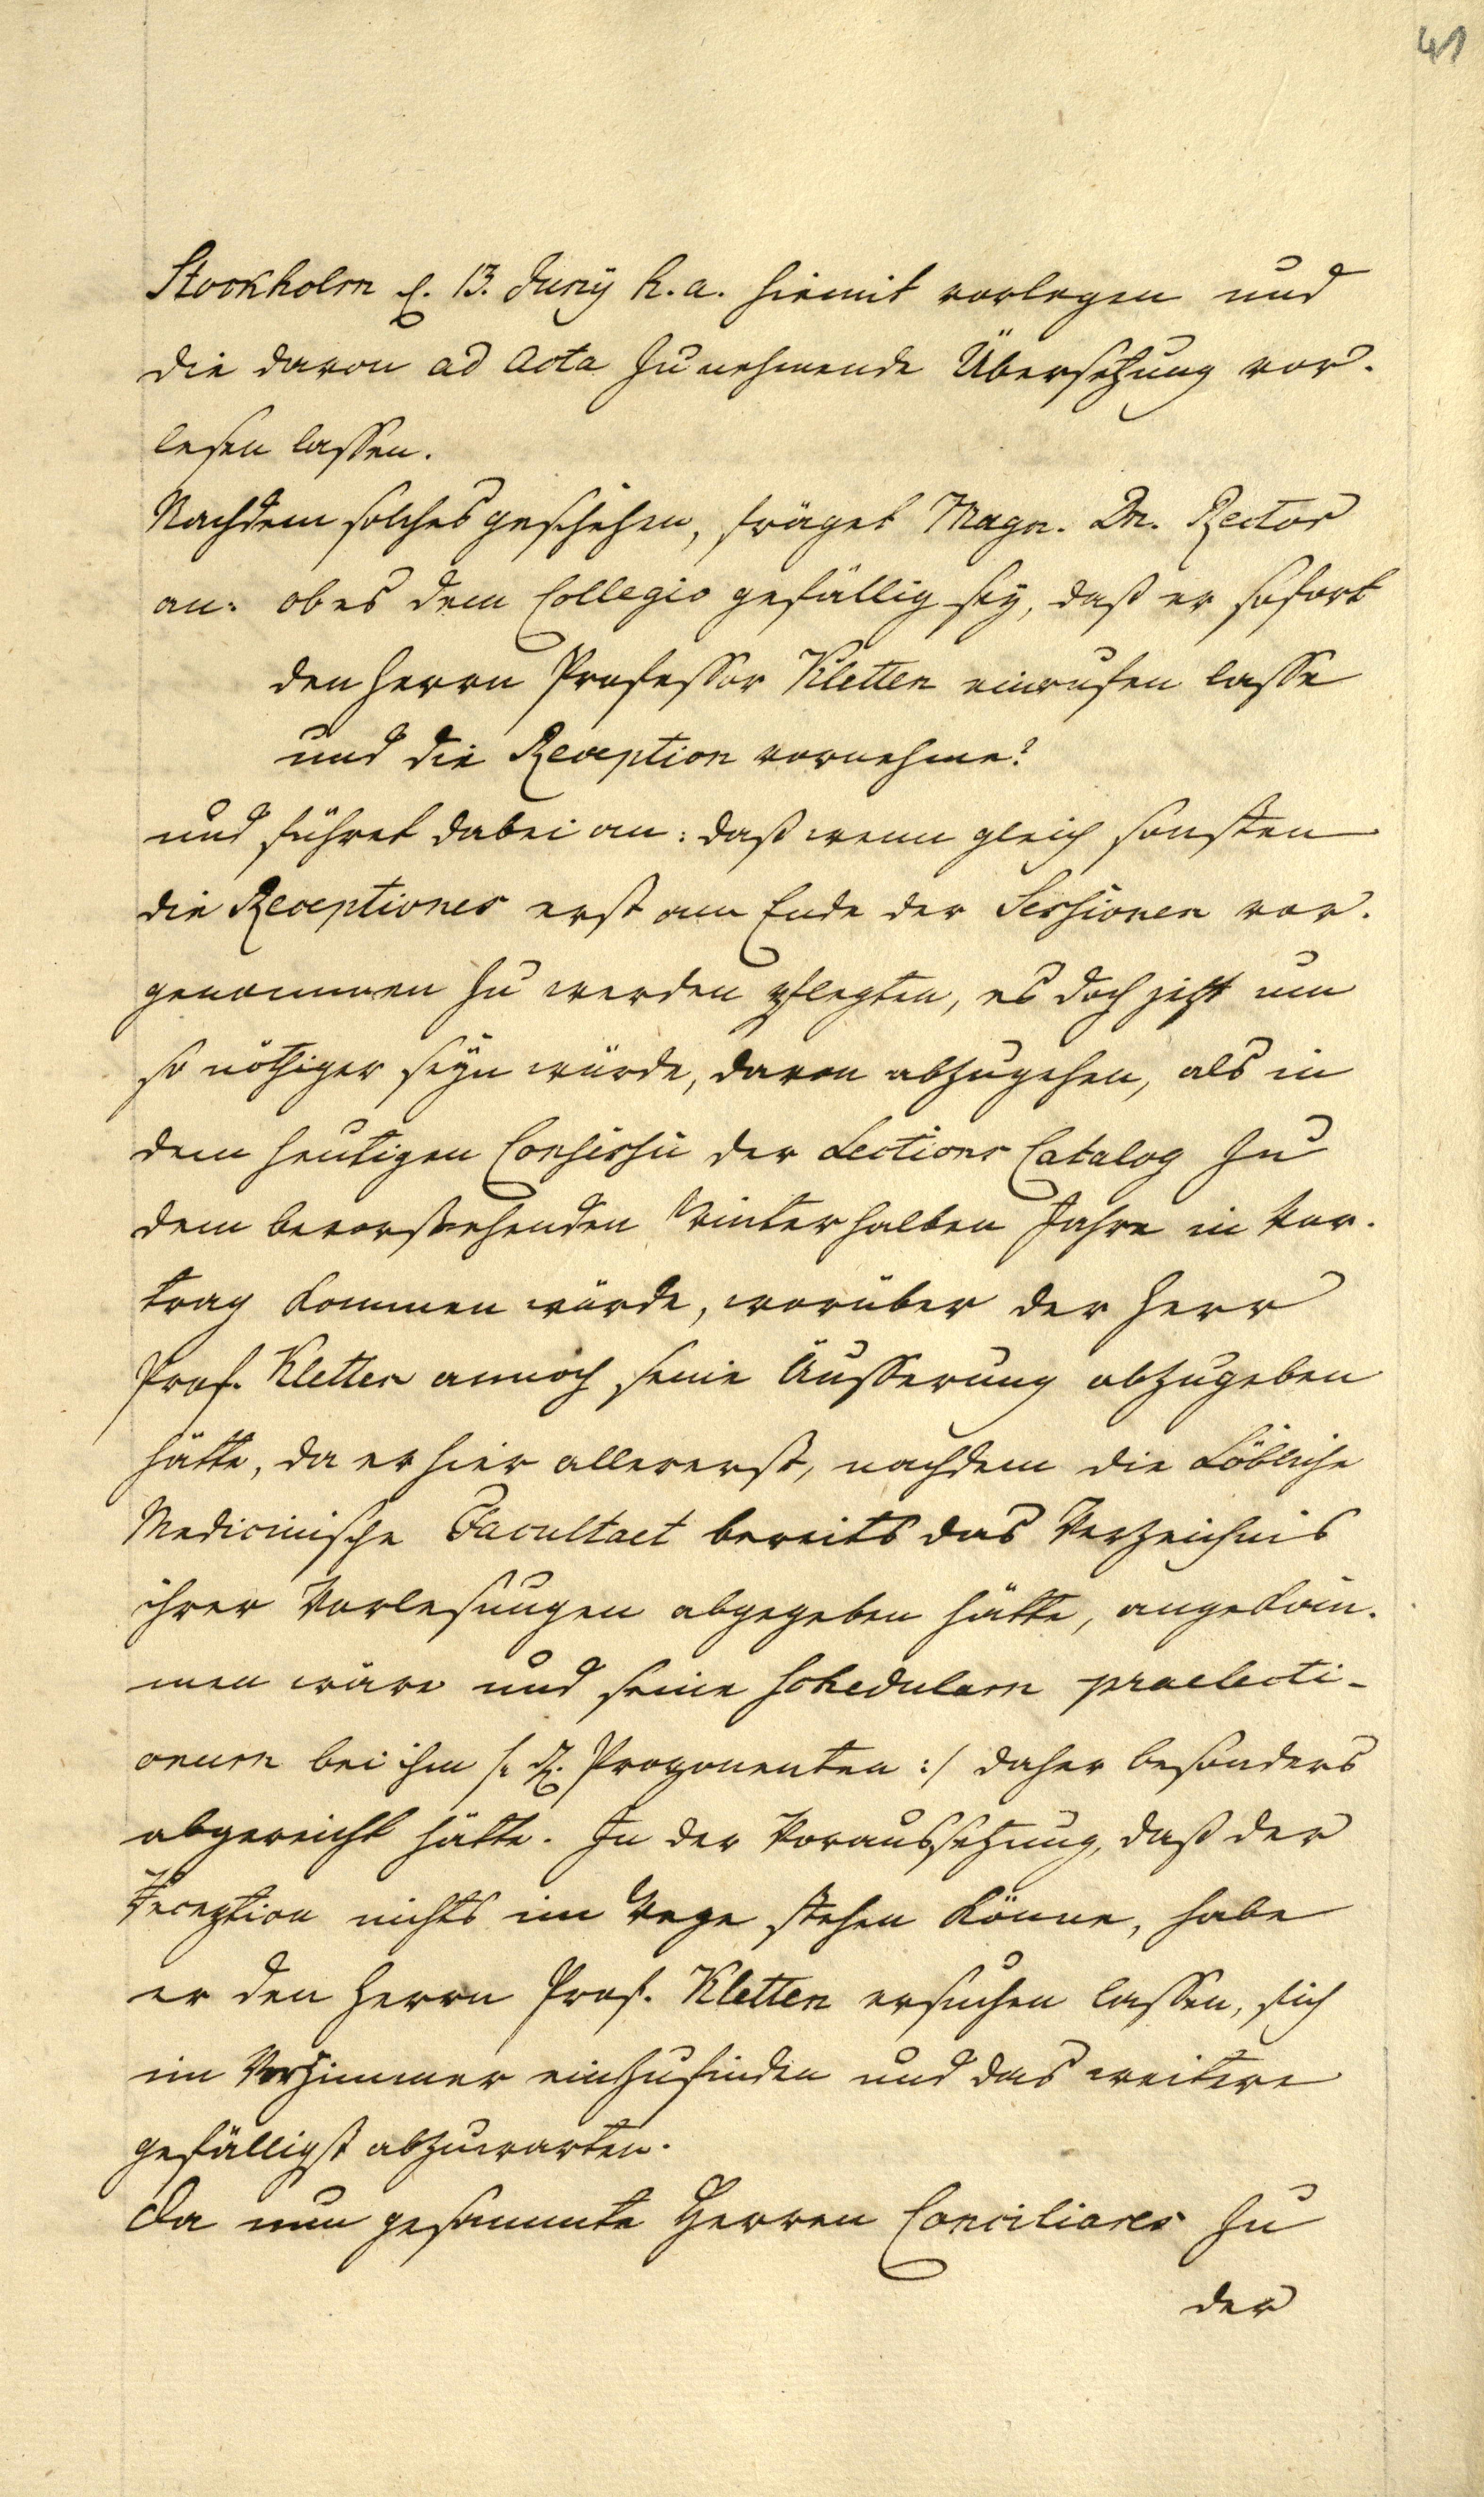Stockholm d. 13. Juny h.a. hiemit vorlegen und
die davon ad Acta zu nehmende Übersetzung vor-
lesen lassen.
Nachdem solches geschehen, fräget Magn. Dn. Rector
an: ob es dem Collegio gefällig sey, daß er sofort
den herrn Professor Kletten einrufen lasse
und die Reception vornehme?
und führet dabei an: daß wenn gleich sonsten
die Receptiones erst am Ende der Sessionen vor-
genommen zu werden pflegten, es doch jetzt um
so nöthiger seyn würde, davon abzugehen, als in
dem heutigen Consessu der Lections Catalog zu
dem bevorstehenden Winterhalben Jahre in Vor-
trag kommen würde, worüber der herr
Prof. Kletten annoch seine Äusserung abzugeben
hätte, da er hier allererst, nachdem die Löbliche
Medicinische Facultaet bereits das Verzeichnis
ihrer Vorlesungen abgegeben hätte, angekom-
men wäre und seine Schedulam praelecti-
onum bei ihm ( dh. Proponenten) daher besonders
abgereicht hätte. In der Voraussetzung, daß der
Reception nichts im Wege stehen könne, habe
er den herrn Prof. Kletten ersuchen lassen, sich
im Vorzimmer einzufinden und das weitere
gefälligst abzuwarten.
Da nun gesammte Herren Conciliares zu
der